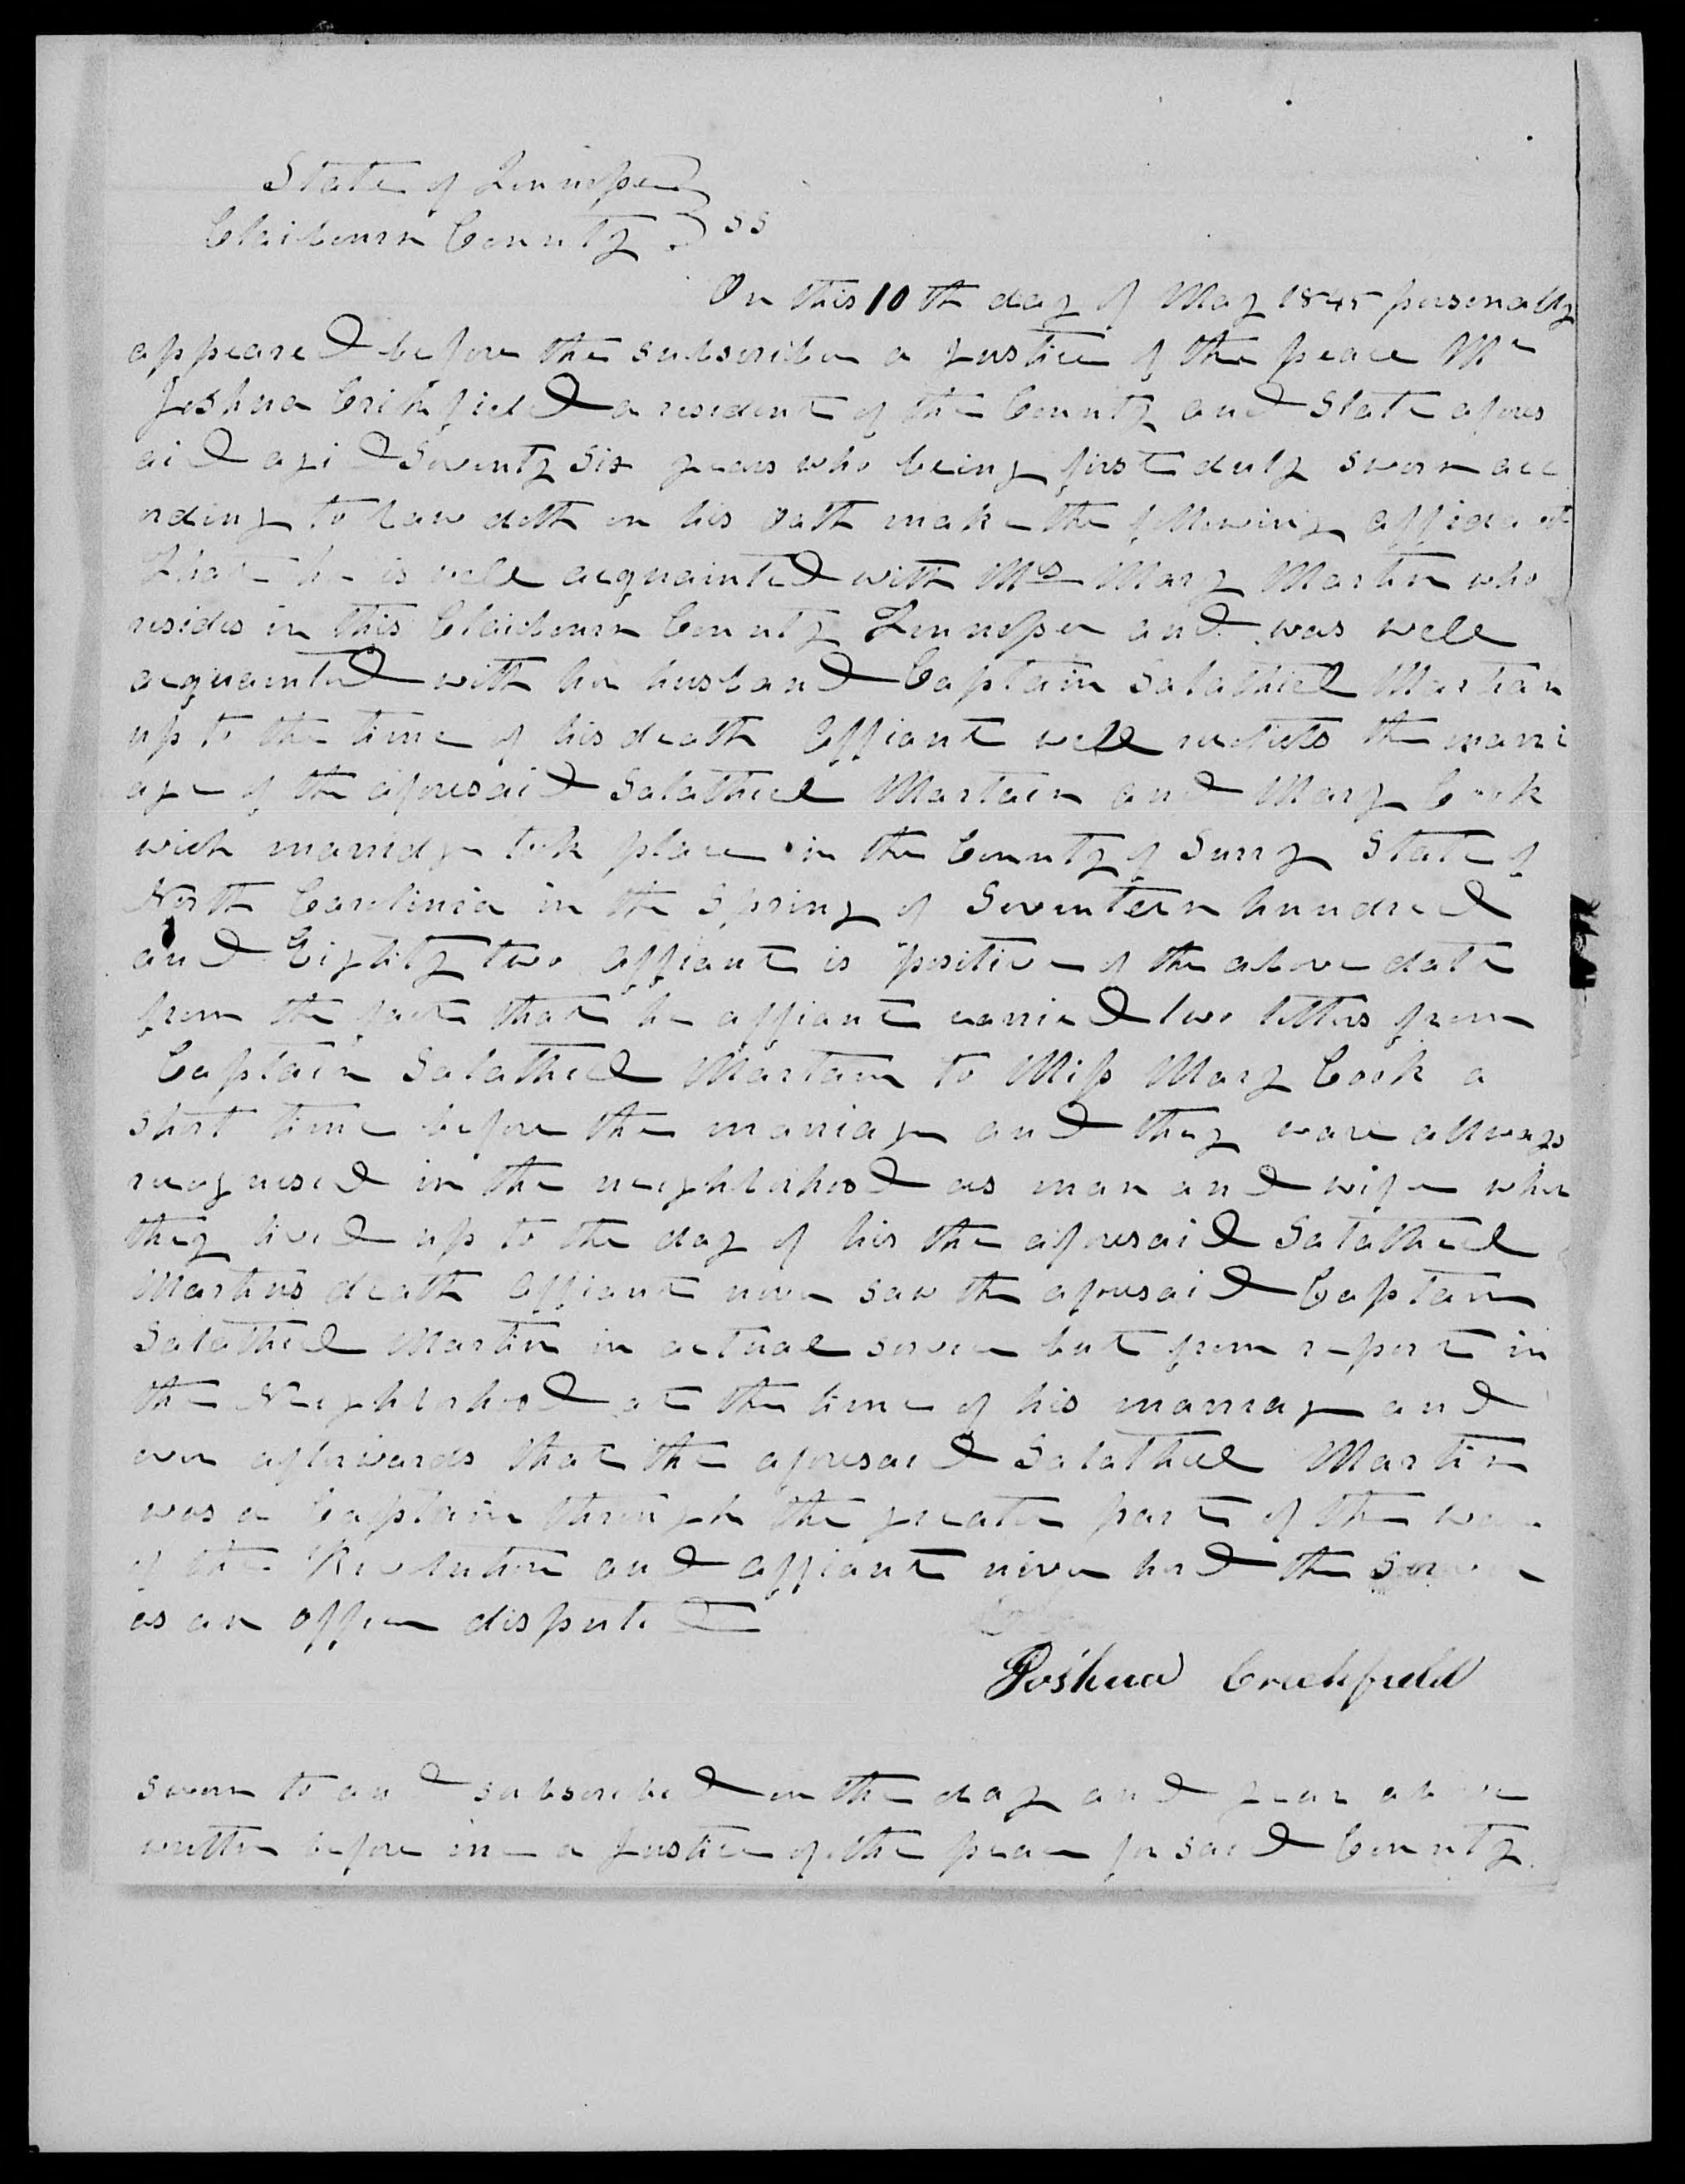State of Tennessee  )
Claibourn County    ) ss
On this 10th day of May 1845 personally
appeared before the subscriber a Justice of the peace Mr
Joshua Crichfield a resident of the County and State afores
aid aged Seventy six years who being first duly sworn acc
ording to law doth on his oath make the following affidavit
That he is well acquainted with Ms Mary Martin who
resides in this Claibourn County Tennessee and was well
acquainted with her husband Captain Salathiel Mastian
up to the time of his death Affiant well recollects the marri
age of the aforesaid Salathiel Martin and Mary Cook
wich [which] marriage took place in the County of Surry State of
North Carolina in the Spring of Seventeen hundred
and Eighty two affiant is positive of the above date
from the fact that he affiant carried two letters from
Captain Salathiel Martain [Martin] to Miss Mary Cook a
short time before the marriage and they were always 
recognised [recognized] in the neighborhood as man and wife where
they lived up to the day of his the aforesaid Salathiel
Martins death affiant never saw the aforesaid Captain
Salathiel Martin in actual service but from report in
the neighborhood at the time of his marriage and
was afterwards that the aforesaid Salathiel Martin
was a Captain through the greater part of the war
of the Revolution and affiant never had the service as an officer disputed
Joshua Crichfield

Sworn to and subscribed in the day and year as
written before me a Justice of the peace for said County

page: 89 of 120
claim: widow's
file: W. 1044, for Salathiel Martin, North Carolina